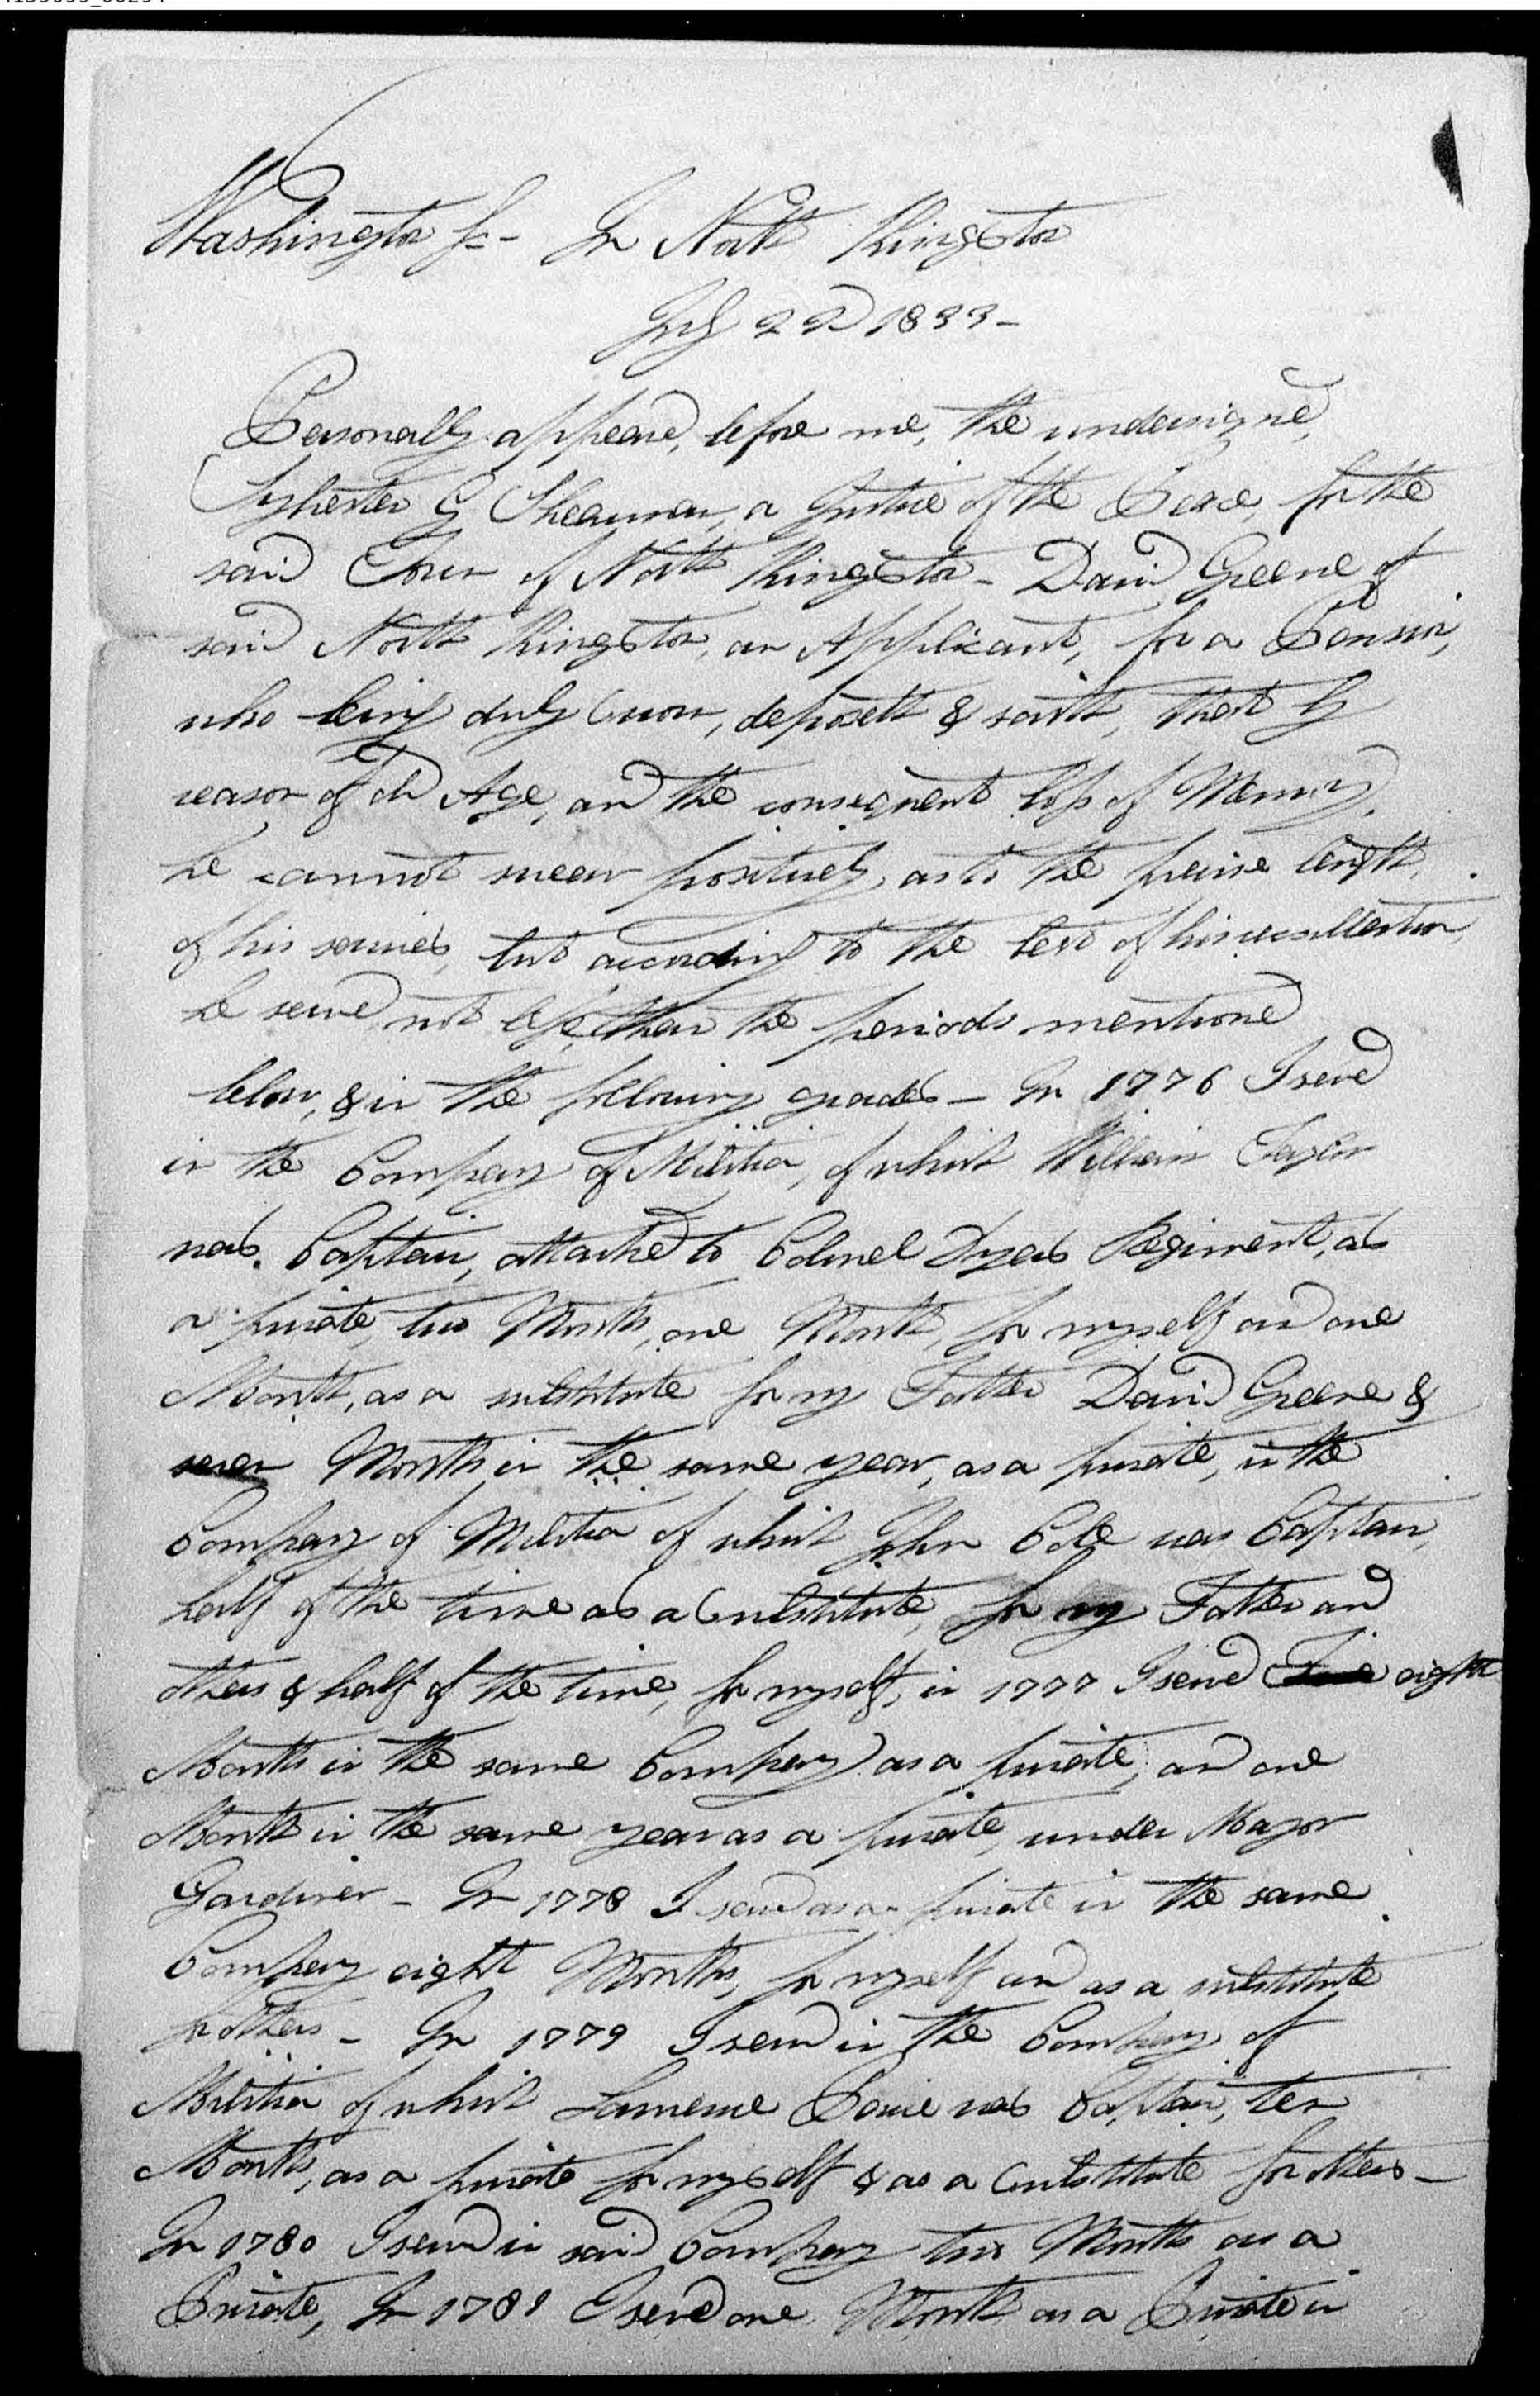Washington Co - In North Kingstown
                    July 22, 1833

Personally appeared before me, the undersigned Sylvester G Sherman a Justice of the Peace for the said Town of North Kingstown - David Greene of said North Kiingstwon, an applicant, for a Pension who being duly sworn, deposeth & saith, that by reason of age, and the consequent loss of memory, he cannot swear positively  as to the final length of his service but according to the best of his recollection he served not more than the friends mentioned below, & in the following (guards?) - In 1776 I served in the Company of Militia of which William Taylor was Captain, attached to Colonel Dyers Regiment as a private two months, one month for myself and one month as a substitute for my father David Greene & seven month in the same year, as a private, in the Company of Militia of which John Cole was Captain half of the time as a substitute for my father and half of the time for myself, in 1777 I served eight months in the same company as a private and one month in the same year as a private under Major Gardiner - In 1778 I served as a private in the same company eight months for myself and as a substitute for others - In 1779 I served in the Company of Militia of which Lawrence Louie was captain, ten months as a private for myself & as a sustitute for others - In 1780 I served in said company two months as a private.  In 1781 I served one month as a private in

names: John Cole, David Greene, Sameme Pond, William Taylor, Gardiner, Sylvester G Shearman, David Greene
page: 12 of 27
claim: survivor's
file: S. 21,245, David Greene, R.I.